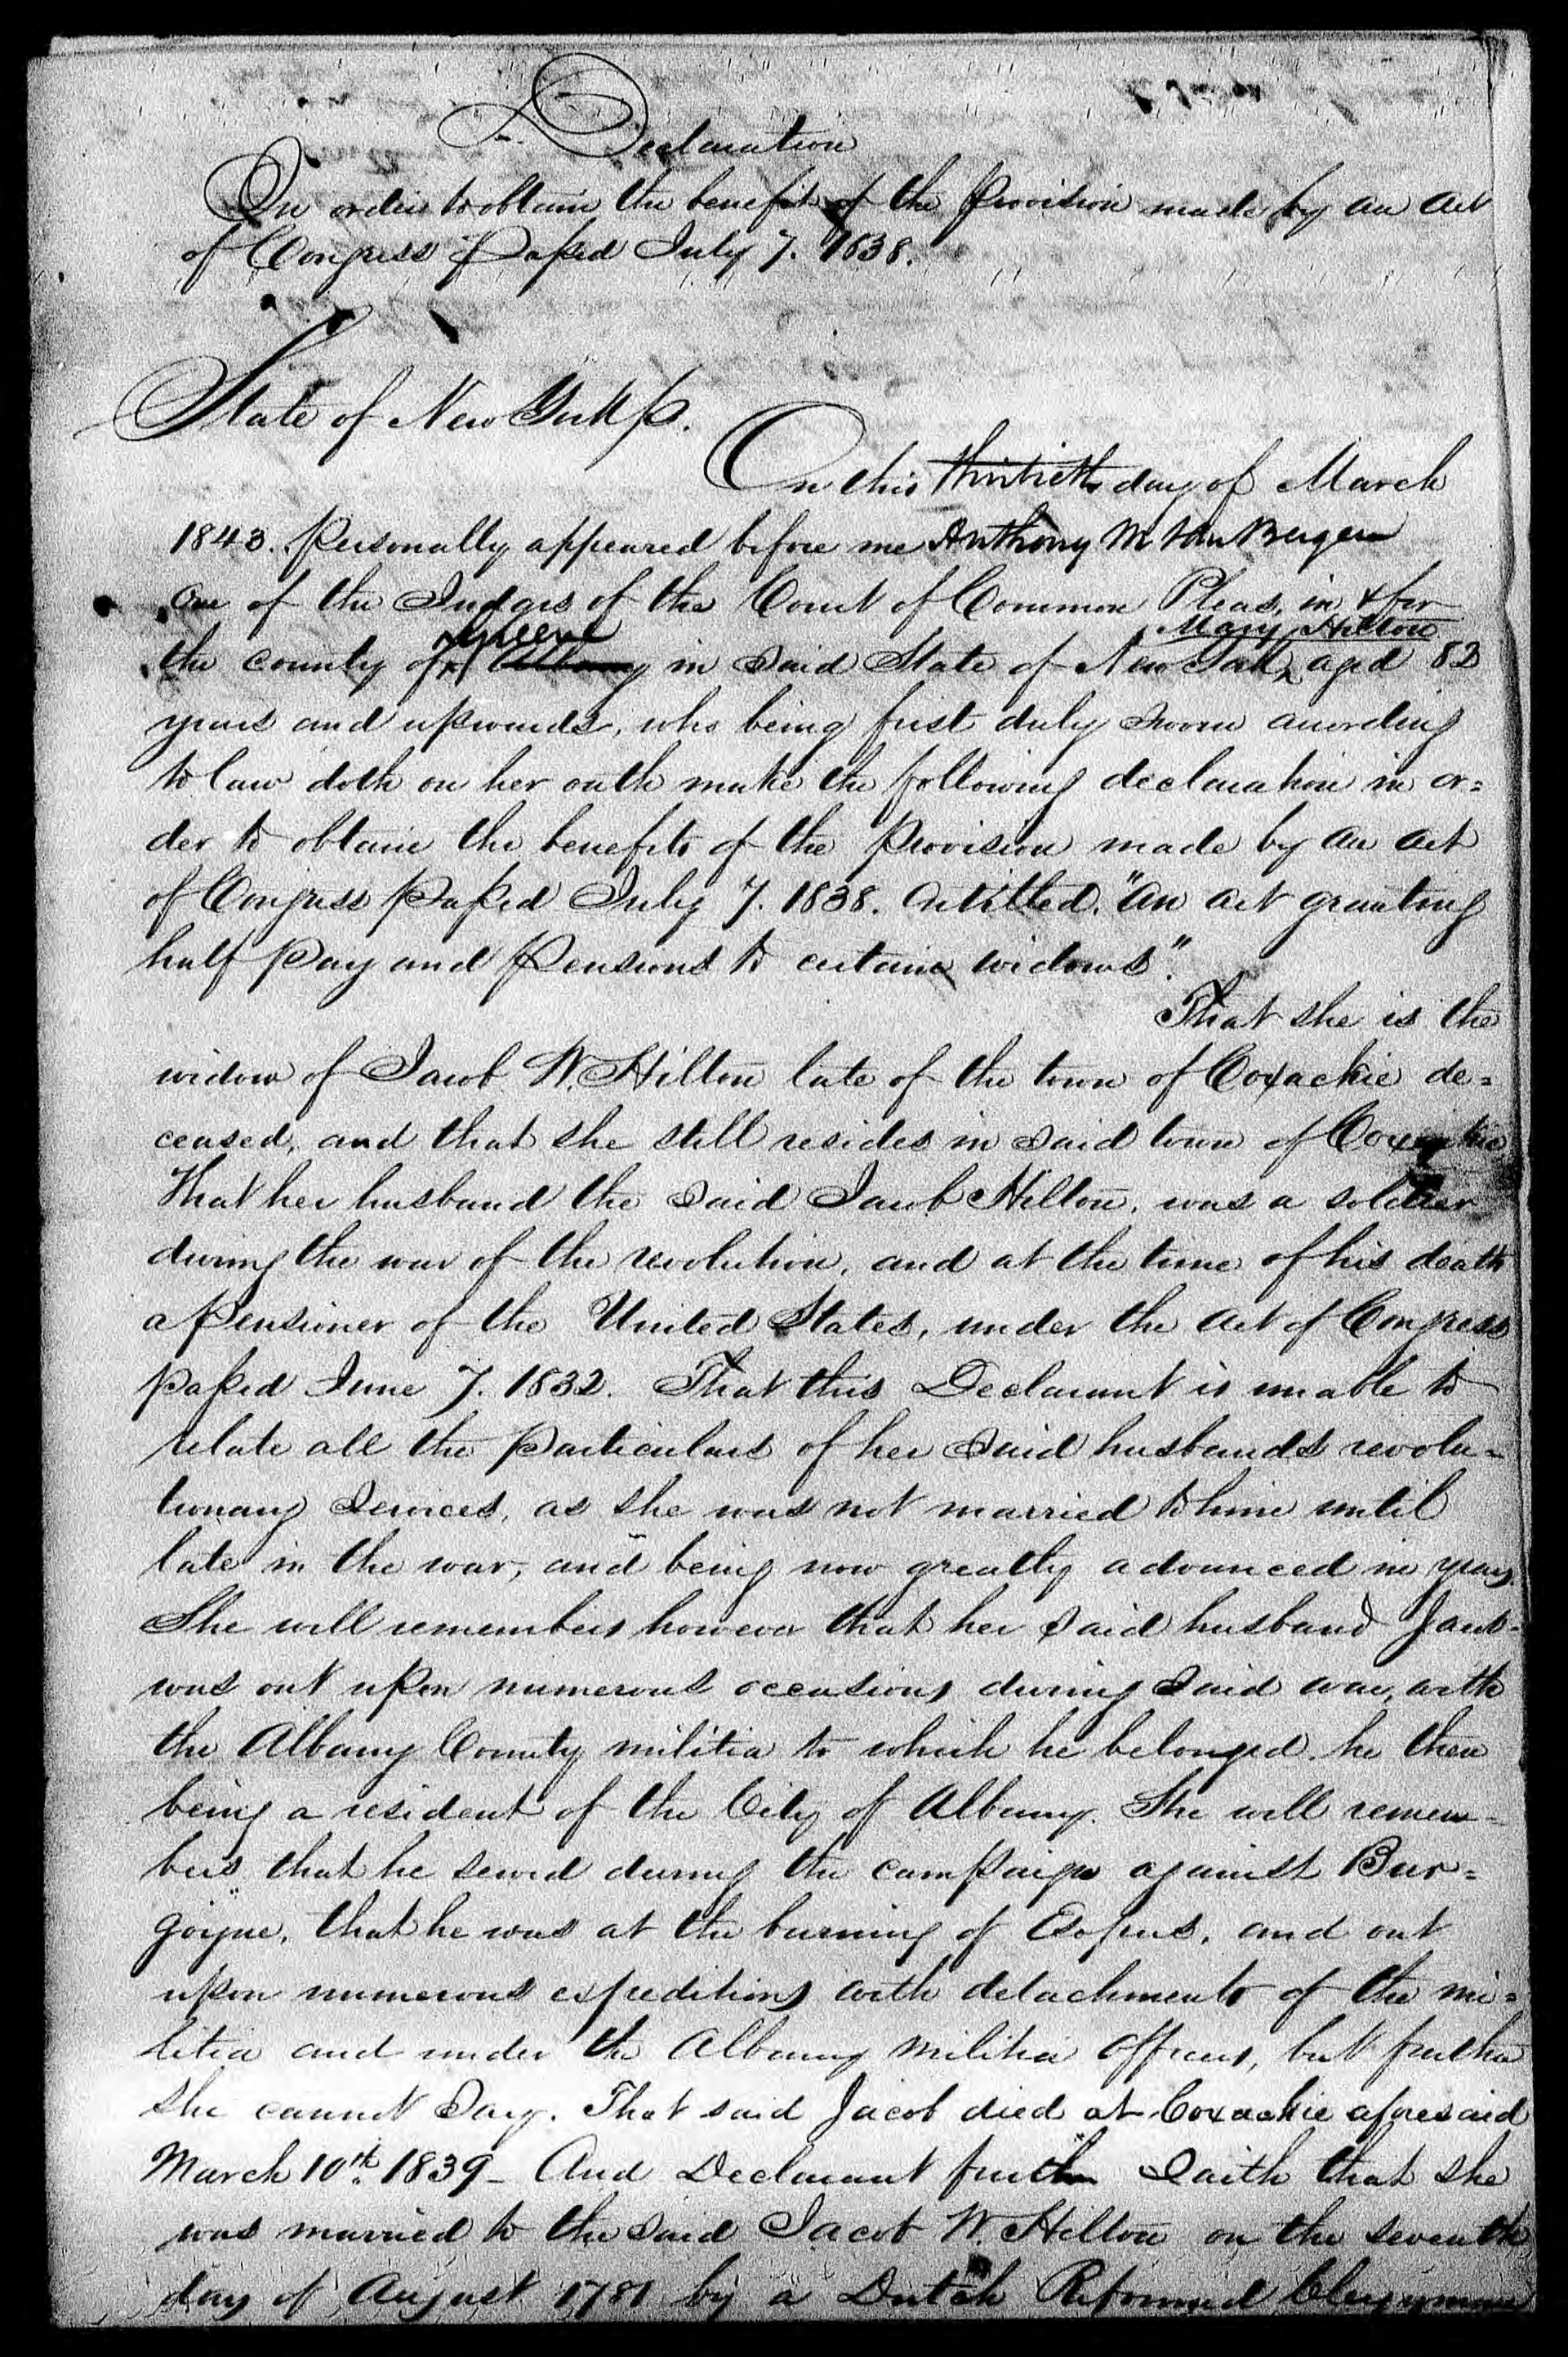Declaration
In order to obtain the benefits of the pension made by an act of Congress Dated July 7, 1838.

State of New York

On this thirtieth day of March 1843 Personally appeared before me Anthony M Van Bergen one of the Judges of the Court of Common Please in + for the County of Greene in said State of New York Mary Hilton aged 82 years and upwards, who being first duly sworn according to law doth on her oath make the following declaration in or-der toobtain the benefits of the Provision made by an act of Congress passed July 7, 1838. Entitled, "an act granting half pay and pensions to certain widows."

That she is the widow of Jacob W. Hilton late of the town of Coxackie de-ceased, and that she still resides in said town of Coxackie. That her husband the said Jacob Hilton was a soldier during the war of the revolution, and at the time of this death a pensioner of the United States, under the Act of Congress passed June 7, 1832. That this Declarant is made to relate all the particulars of her said husband's revolu-tionary services, as she was not married to him until late in the war, and being now greatly advanced in years. She will remember however that her said husband jacob was out upon numerous occasions during said war, with the Albany County militia to which he belonged, he then being a resident of the City of Albany. She well remem-bers a resident of the City of Albany. She well remem-bers that he served during the campaign against Burgoyne, that he was at the burning of [illegible], and out upon numerous expeditions with detachments of the mi-litia and under the Albany militia officers, but [illegible] she cannot say. That said Jacob died at Coxsakie aforesaid March 10th, 1839. And Declarent further Saith that she was married to the said Jacob W Hilton on the seventh day of August 1781 by a Dutch Reformed Clergyman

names: Anthony M Van Bergen, Jacob W Hilton, Jacob, Jacob, Jacob Hilton, Jacob W Hilton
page: 14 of 48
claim: widow's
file: W. 19788, Jacob W Hilton, New York